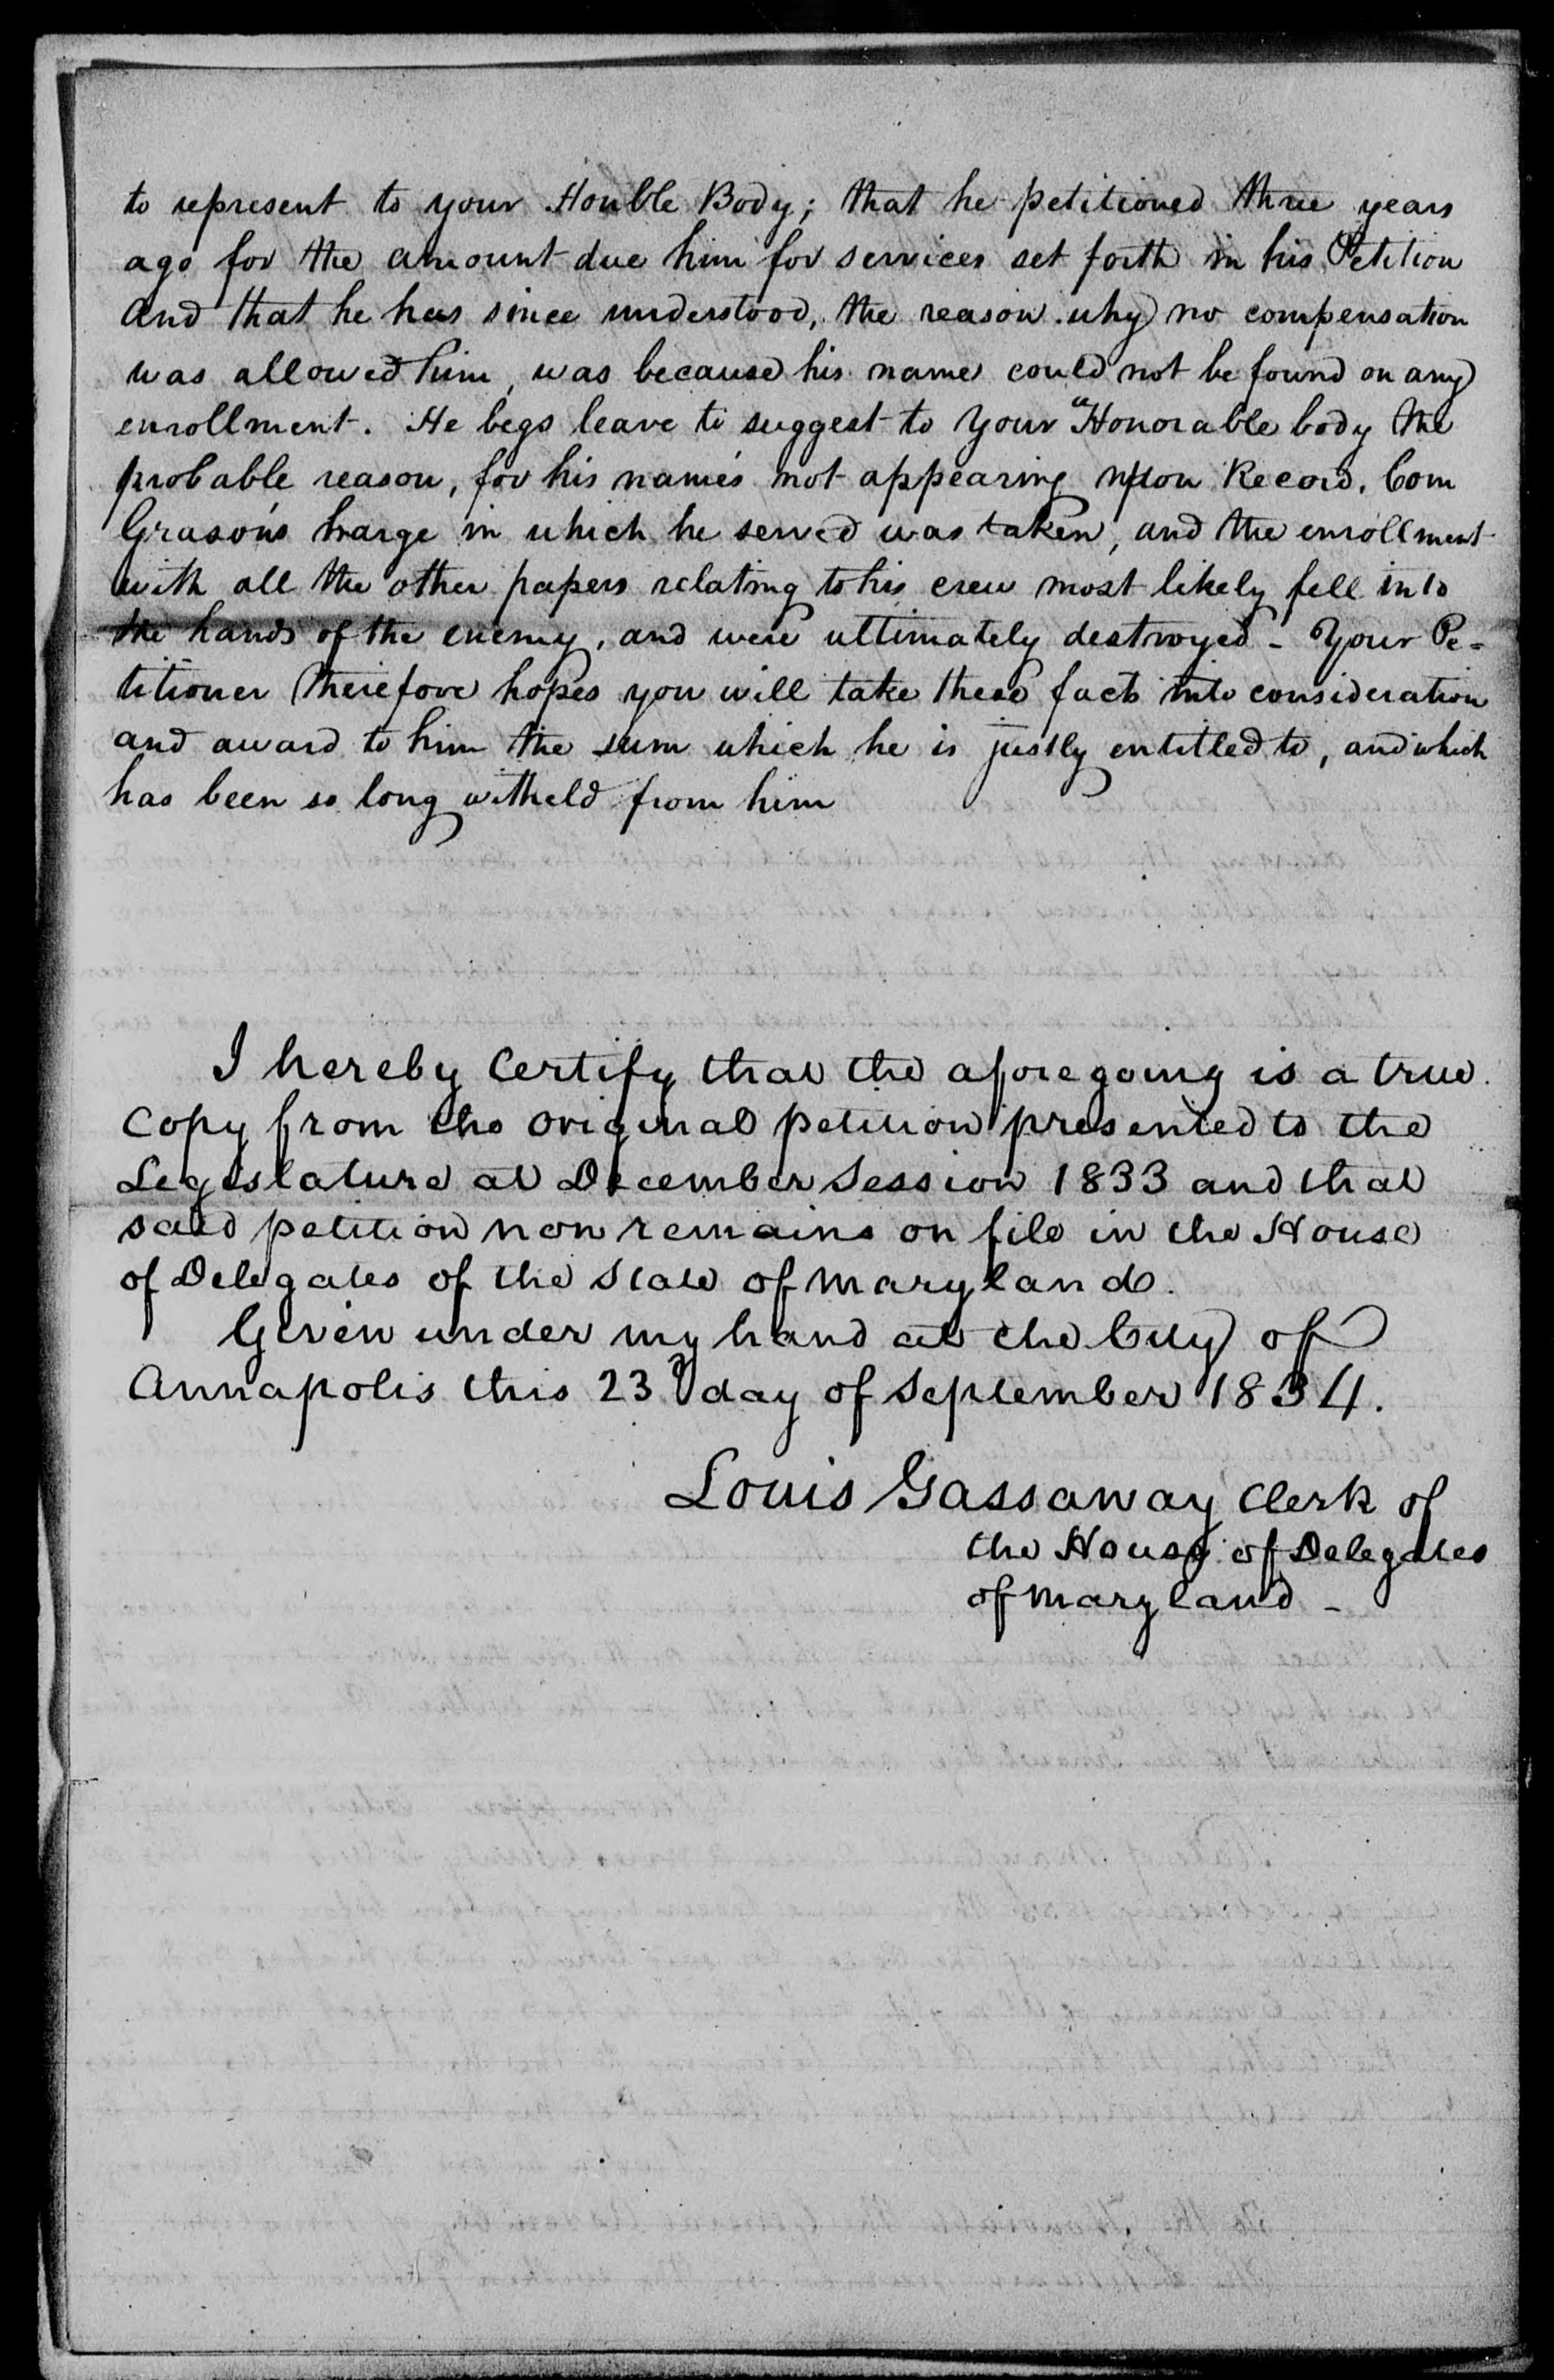to represent to your Honorable Body; that he petitioned three years ago for the amount due him for services set forth in his petition and that he has since understood the reason why no compensation was allowed him was because his name could not be found on any enrollment. He begs leave to suggest to your Honorable body the probable reason for his name not appearing upon record Com. Grayson's barge in which he served was taken and the enrollment with all the other papers relating to his crew most likely fell into the hands of the enemy and were ultimately destroyed - your petitioner therefore hopes you will take these facts into consideration and award to him the sum which he is justly entitled to and which has been so long withheld from him.

I hereby certify that the aforegoing is a true copy from the original petition presented to the Legislature at December session 1833 and that said petition now remains on file in the House of Delegates of the state of Maryland.

Given under my hand at the City of Annapolis this 23rd day of September 1834.

Louis Gassaway _ Clerk of 
the House of Delegates of Maryland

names: Louis Gassaway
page: 14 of 14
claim: survivor's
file: S. 8,011, Nathan Allen, Md. And Sea Service